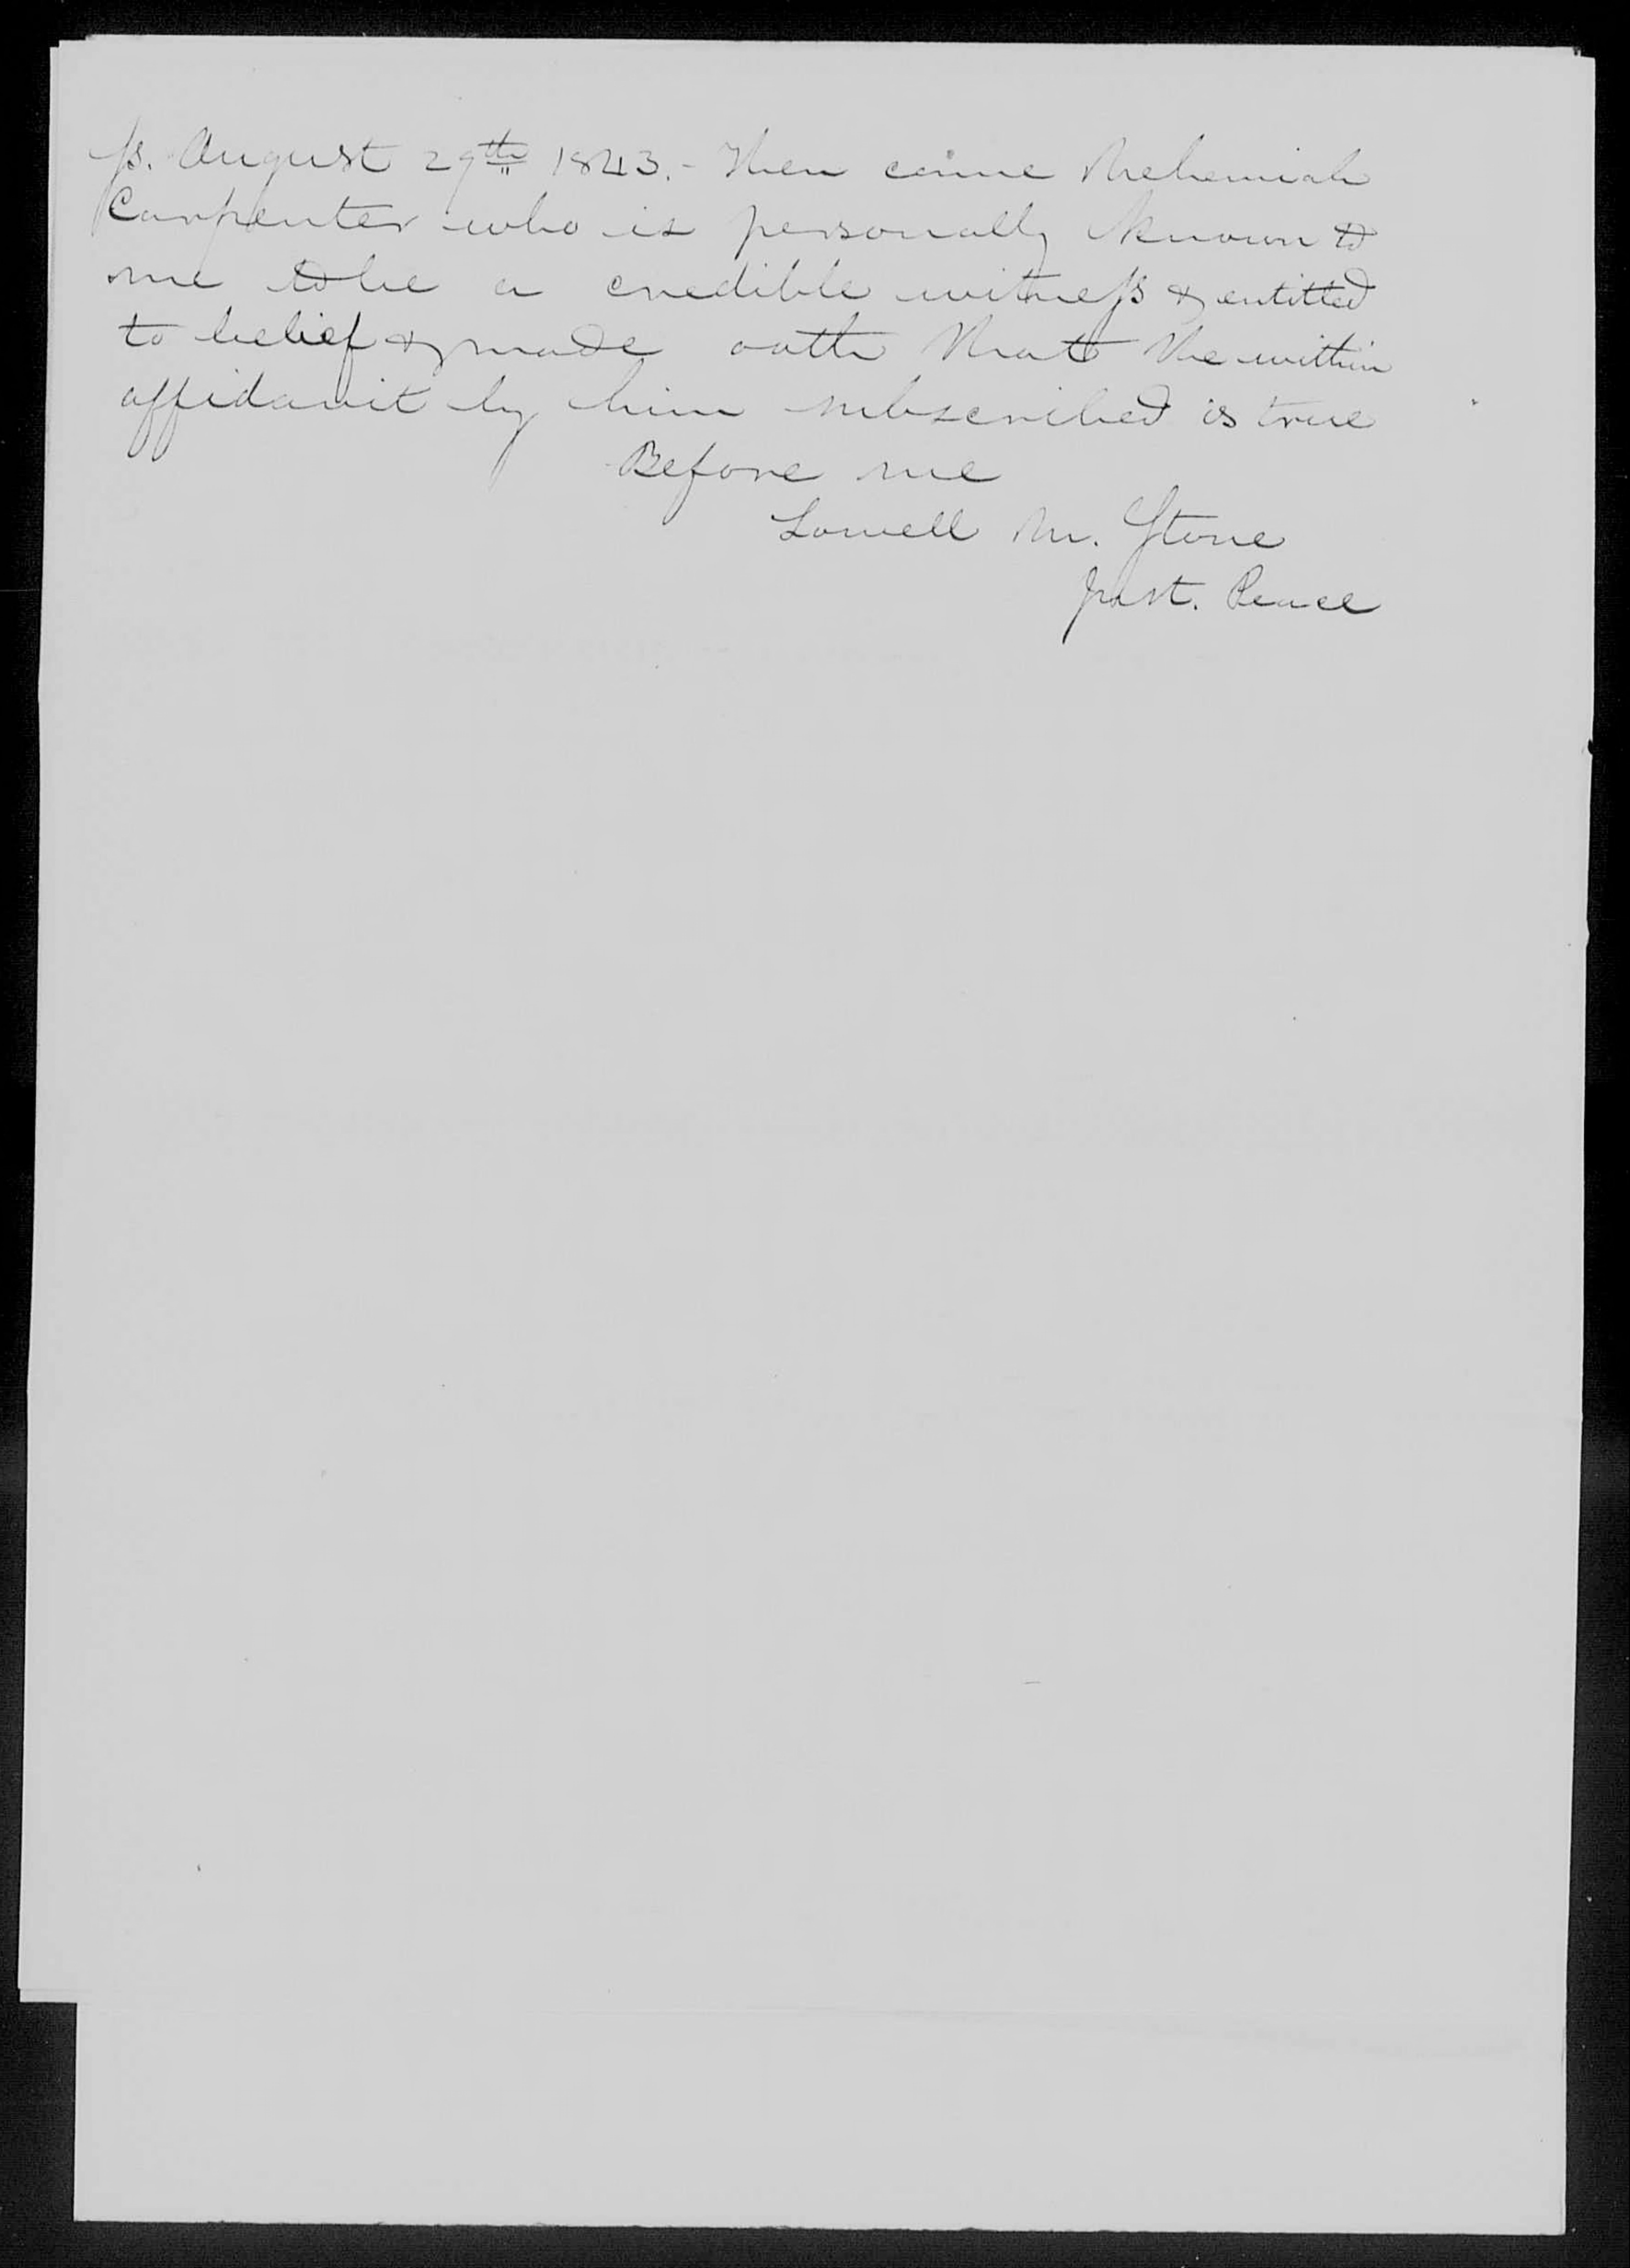SS. August 29th 1843. Then came Nehemiah Carpenter who is personally known to me to be a credible witness & entitled to belief & made oath that the within affidavit by him subscribed is true 
Before me 
Lowell M. Stone 
Just. Peace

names: Lowell M Stone, Nehemiah Carpenter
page: 45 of 45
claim: widow's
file: W. 14,567, Oliver Comee, Mass.